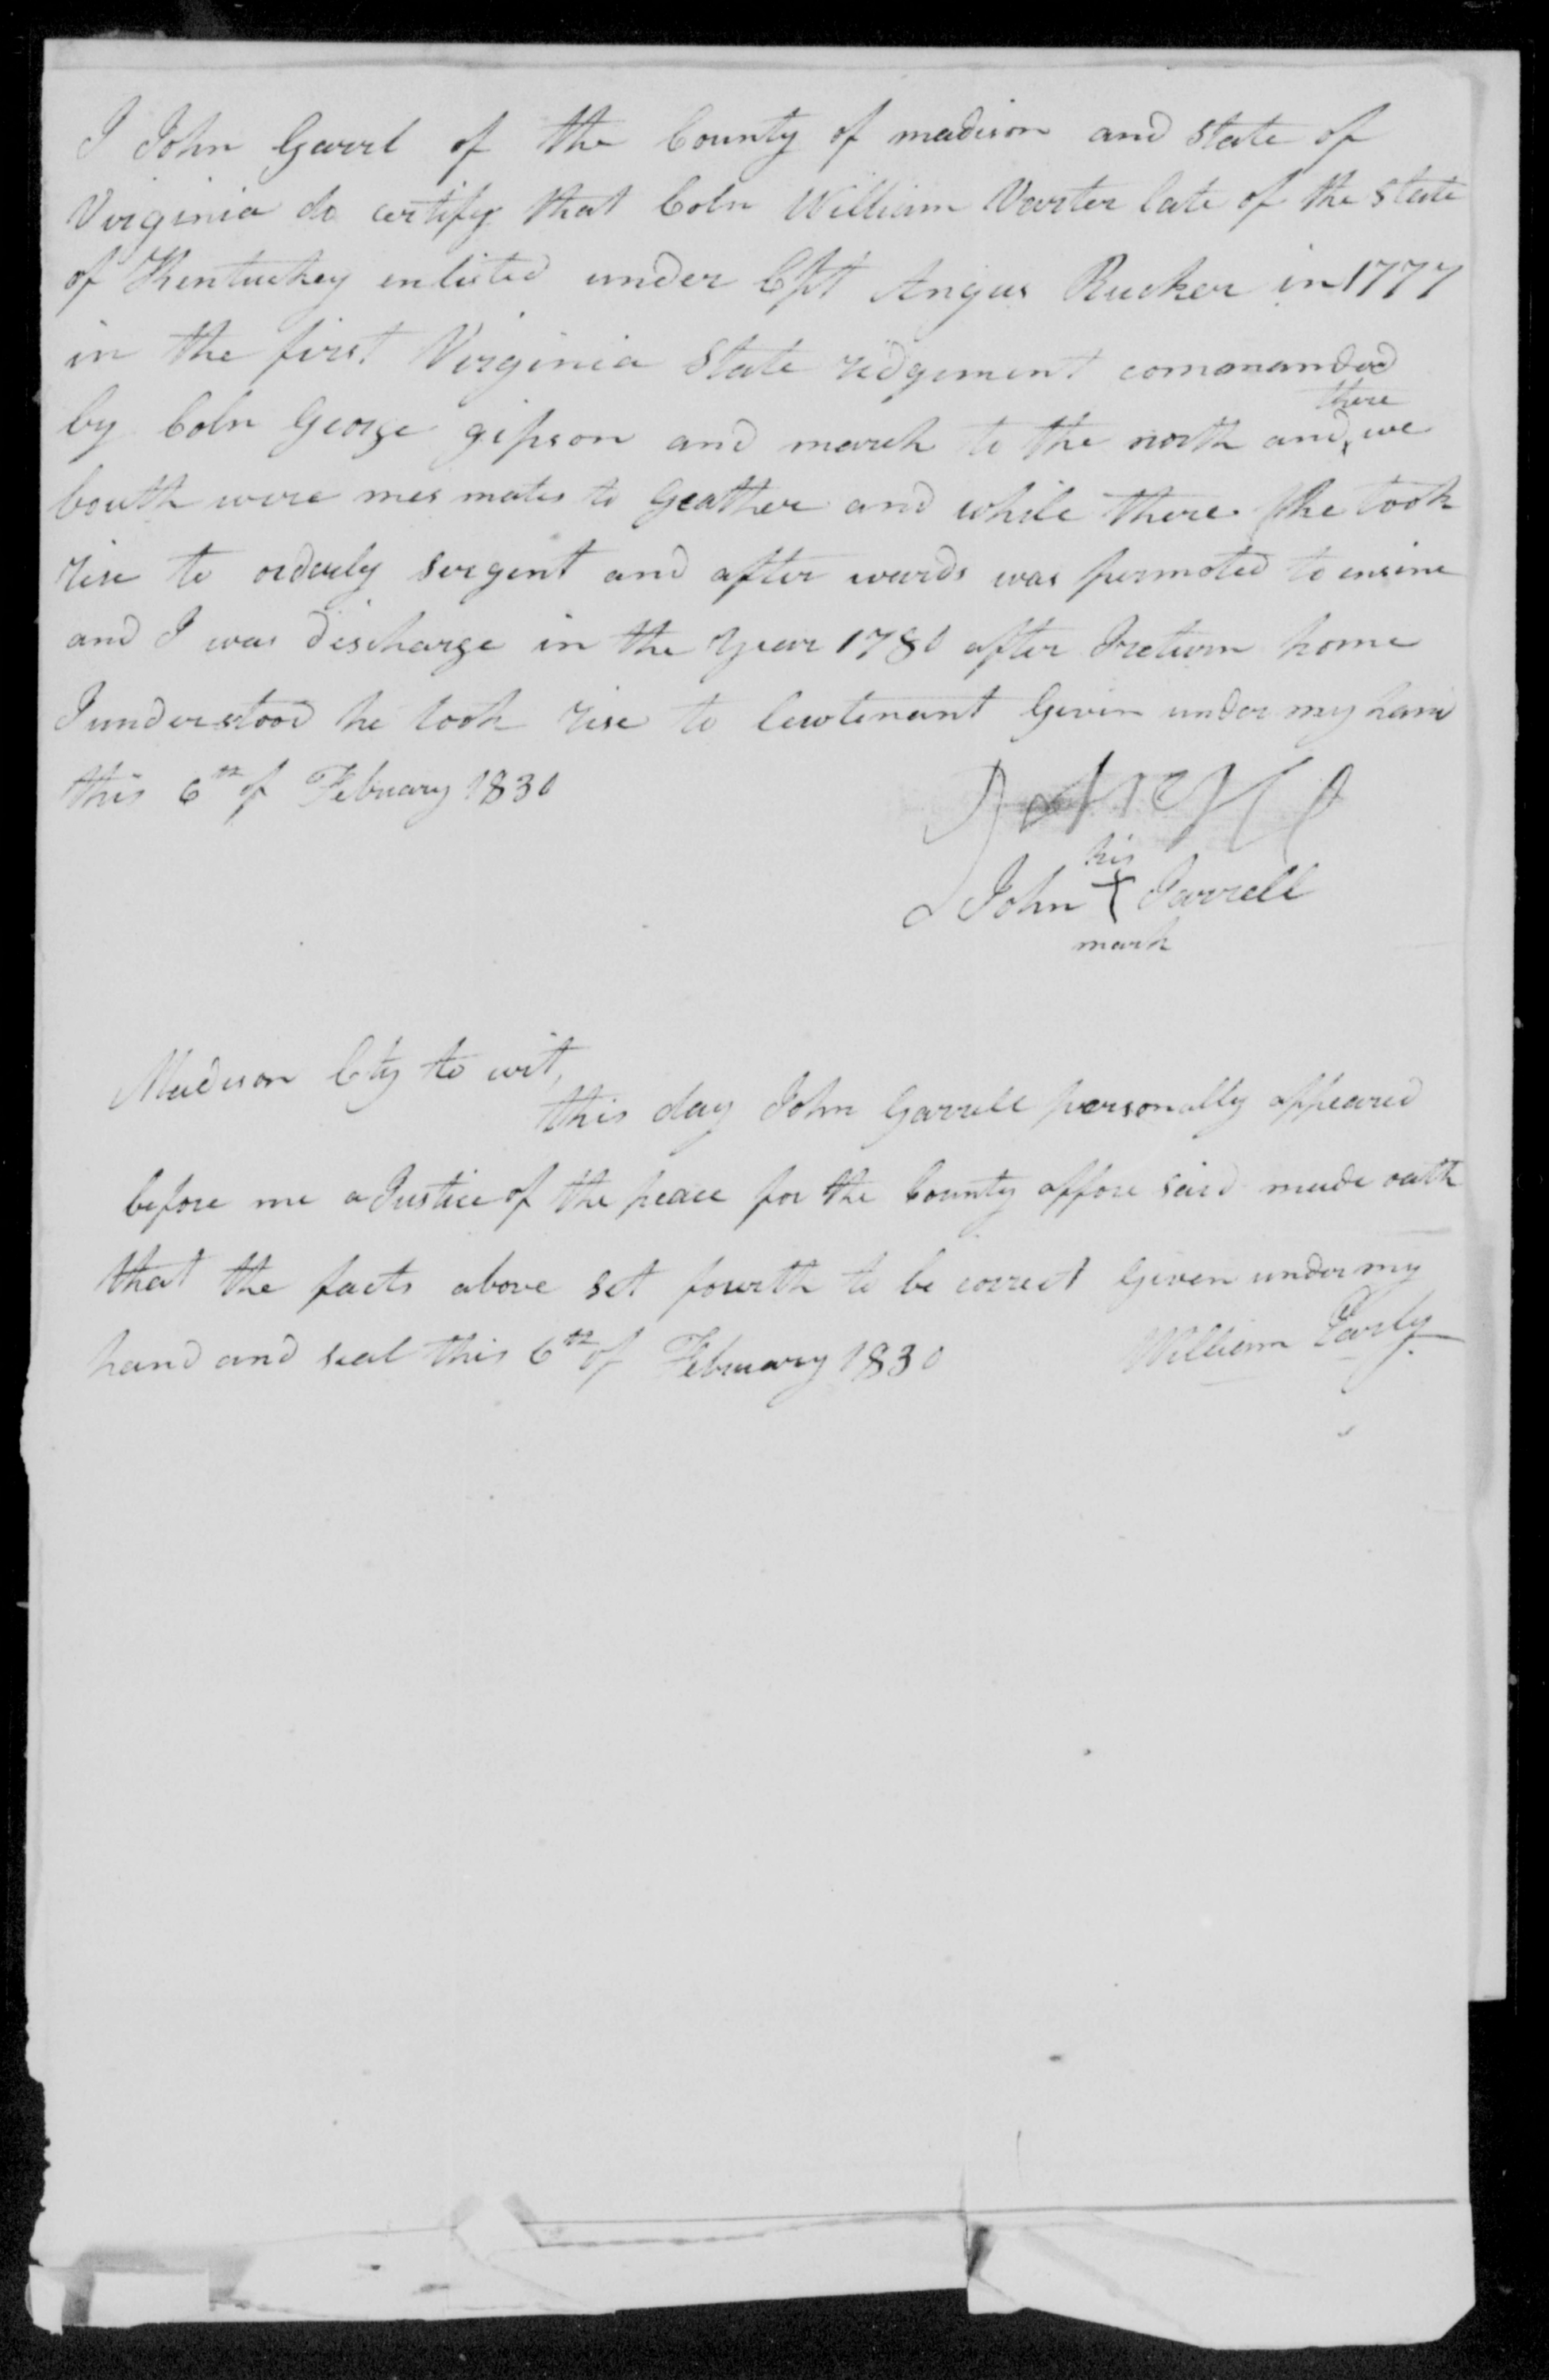I John Garrl [Garrell] of the County of Madison and State of
Virginia do certify that Col William Vawter late of the State of
Kentucky enlisted under Cpt Angus Rucker in 1777
in the first Virginia State redgiment [regiment] commanded
by Col George Gipson and march to the north and there we
bouth [both] were mess mates together and while there he took
rise to orderly Sergent[sergeant]  and after wards was promoted to ensign
and I was discharge in the year 1780 after I return home
I understood he took rise to lewtenant [lieutenant]  Given under my hand
this 6th of February 1830

John his X mark Garrell

Madison Cty to wit,
this day John Garrell personally appeared
before me a Justice of the peace for the County affore [afore] said made oath that the
facts above set forth to be correct Given under my
hand and seal this 6th of February 1830
William Early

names: William Varter, John Garrell, John Garrell, William Parly, John Garrl, George Jipson, Angus Rucker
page: 46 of 51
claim: rejected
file: R. 10,921, William Vawter, Va.